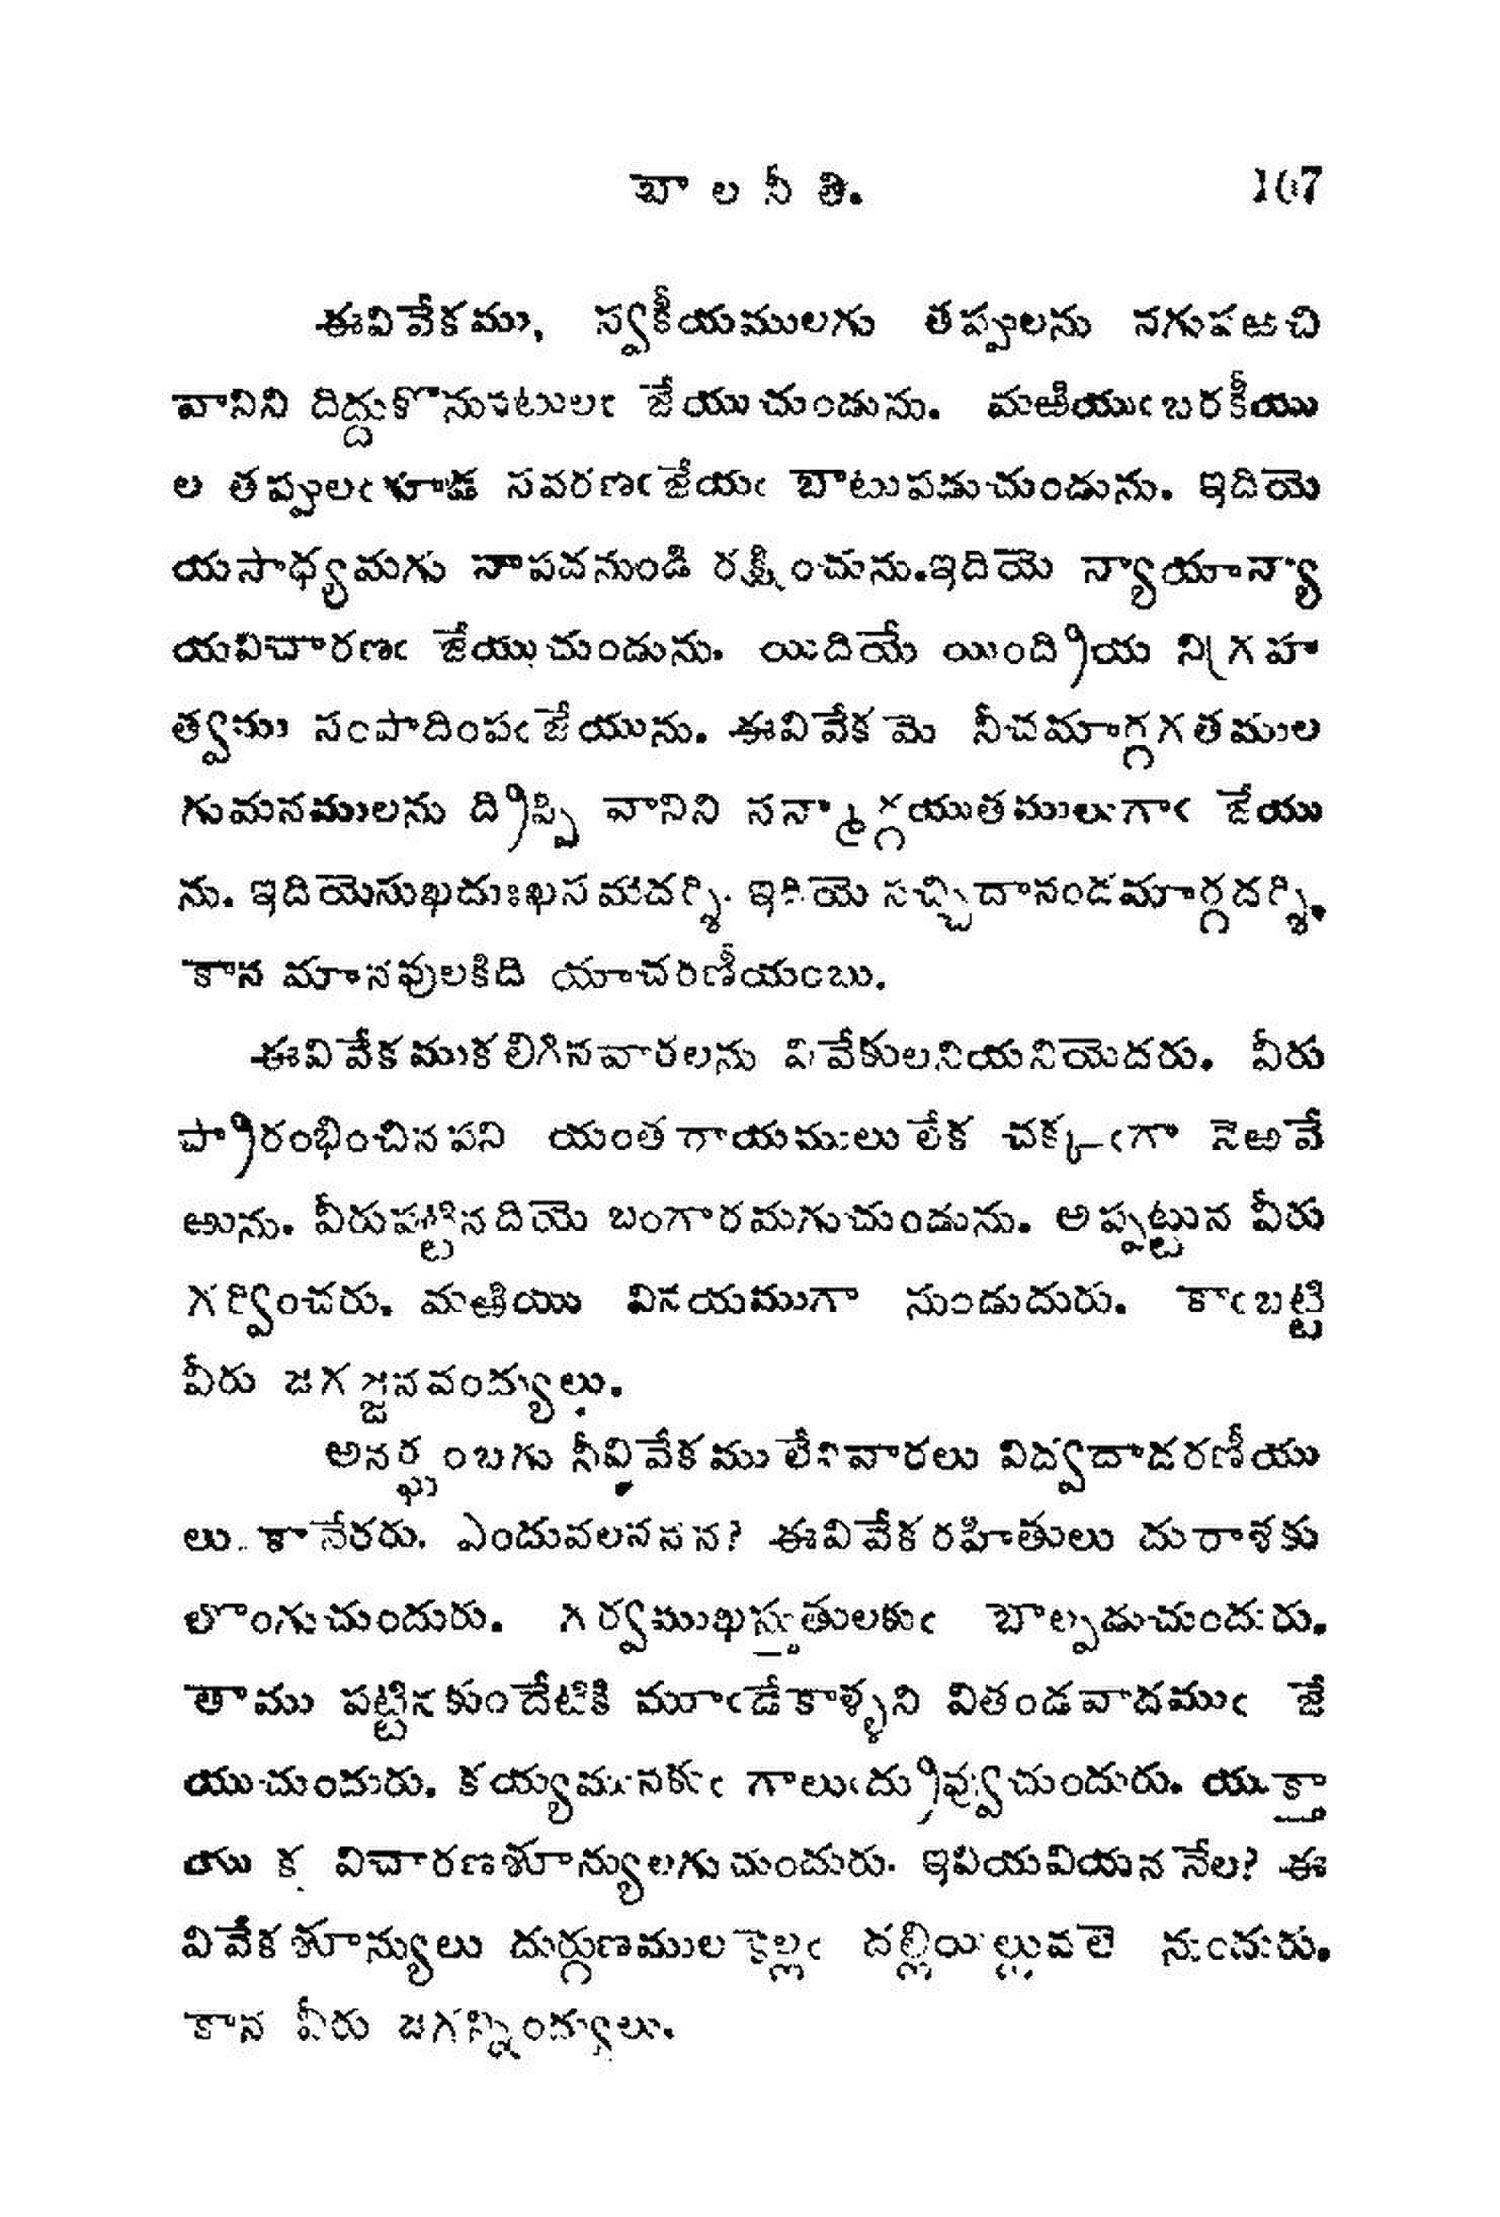ఈవివేకము, స్వకీయములగు తప్పులను నగుపఱచి 
వానిని దిద్దుకొనునటులఁ జేయుచుండును. మఱియుఁబరకీయు
ల తప్పులఁగూడ సవరణఁజేయఁ బాటుపడుచుండును. ఇదియె 
యసాధ్యమగు నాపదనుండి రక్షించును. ఇదియె న్యాయాన్యా
యవిచారణఁ జేయుచుండును. యిదియే యింద్రియ నిగ్రహ
త్వము సంపాదింపఁజేయును. ఈవివేకమె నీచమార్గగతముల 
గుమనములను ద్రిప్పి వానిని సన్మార్గయుతములుగాఁ జేయు
ను. ఇదియెసుఖదుఃఖసమదర్శి. ఇదియె సచ్చిదానందమార్గదర్శి. 
కాన మానవులకిది యాచరణీయంబు.

ఈవివేకముకలిగినవారలను వివేకులనియనియెదరు. వీరు 
ప్రారంభించిన పని యంతరాయములులేక చక్కఁగా నెఱవే
ఱును. వీరుపట్టినదియె బంగారమగుచుండును. అప్పట్టున వీరు 
గర్వించరు. మఱియు వినయముగా నుండుదురు. కాఁబట్టి 
వీరు జగజ్జనవంద్యులు.

అనర్ఘంబగు నీవివేకము లేనివారలు విద్వదాదరణీయు
లు కానేరరు. ఎందువలననన? ఈవివేక రహితులు దురాశకు
లొంగుచుందురు. గర్వముఖస్తుతులకుఁ బాల్పడుచుందురు. 
తాము పట్టినకుందేటికి మూఁడేకాళ్ళని వితండవాదముఁ జే
యుచుందురు. కయ్యమునకుఁ గాలుఁద్రువ్వుచుందురు. యుక్తా
యుక్త విచారణశూన్యులగుచుందురు. ఇవియవియననేల? ఈ
వివేకశూన్యులు దుర్గుణములకెల్లఁ దల్లియిల్లువలె నుందురు. 
కాన వీరు జగన్నింద్యులు.